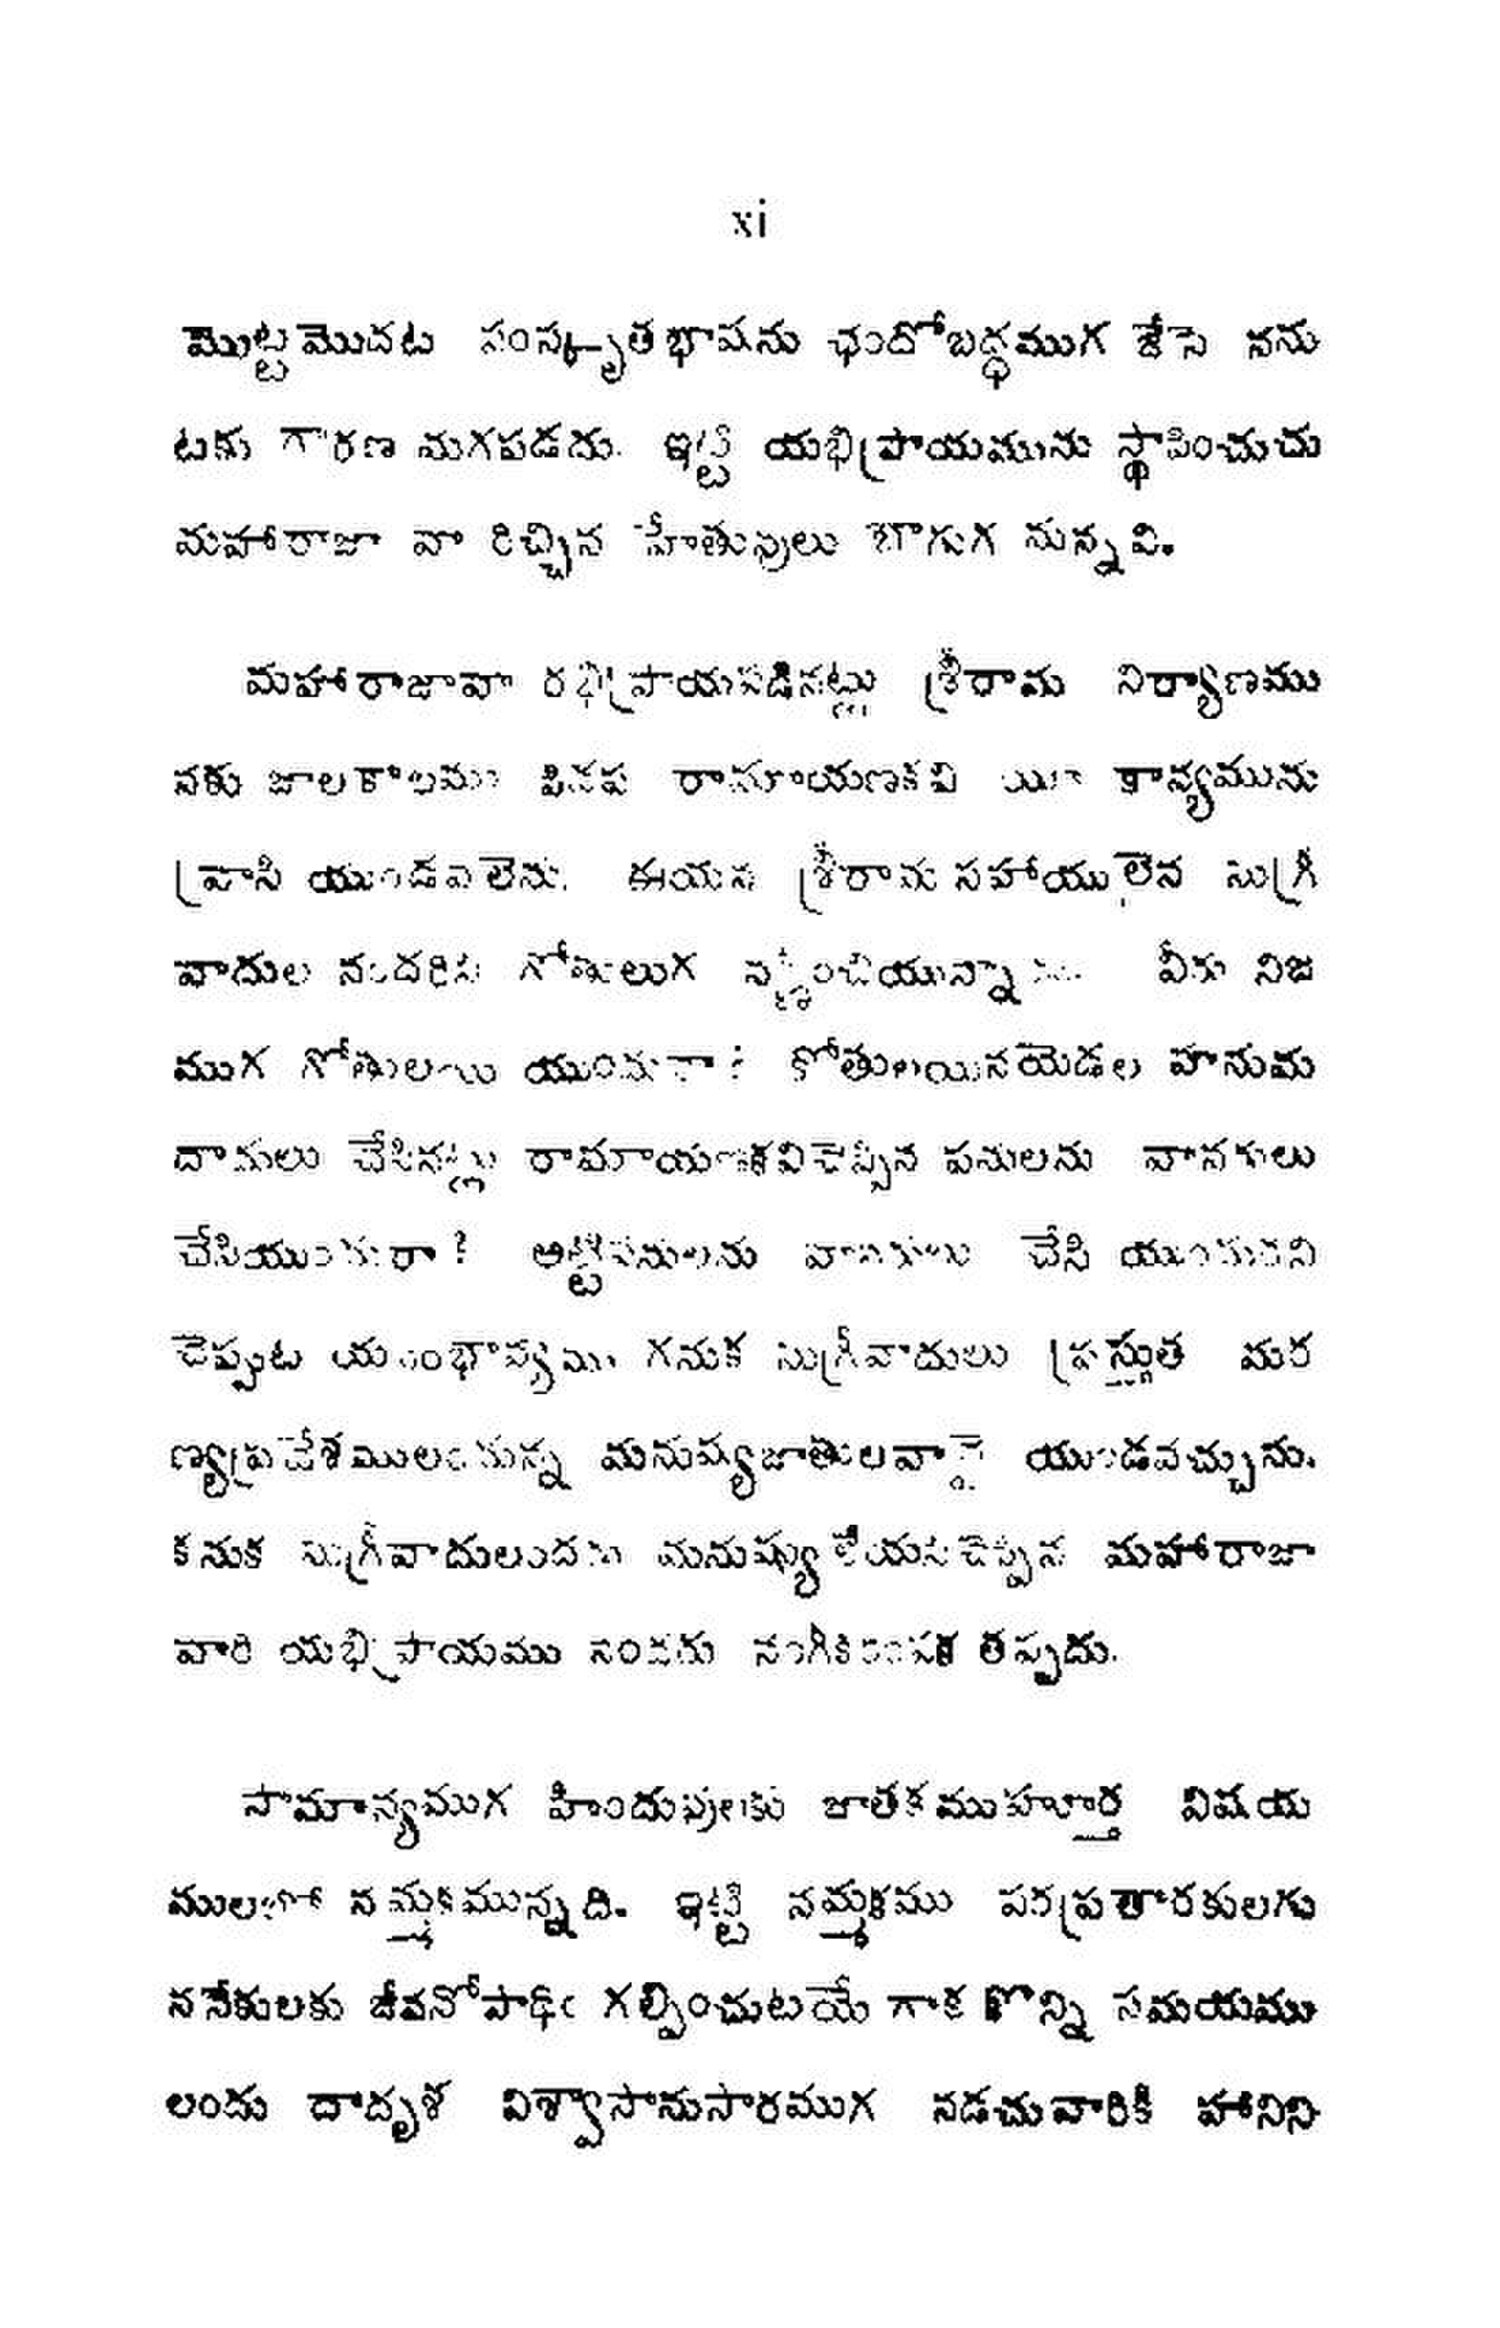మొట్టమొదట సంస్కృతభాషను ఛందోబద్ధముగ జేసె ననుటకు గారణ మగపడదు. ఇట్టి యభిప్రాయమును స్థాపించుచు మహారాజా వా రిచ్చిన హేతువులు బాగుగ నున్నవి.

మహారాజావా రభిప్రాయపడినట్లు శ్రీరామ నిర్యాణమునకు జాలకాలము పిదప రామాయణకవి యీ కావ్యమును వ్రాసి యుండవలెను. ఈయన శ్రీరామ సహాయులైన సుగ్రీవాదుల నందరిని గోతులుగ వర్ణించియున్నాడు. వీరు నిజముగ గోతులయి యుందురా? కోతులయినయెడల హనుమదాదులు చేసినట్లు రామాయణకవిచెప్పిన పనులను వానరులు చేసియుందురా ? అట్టిపనులను వానరులు చేసి యుందురని చెప్పుట యసంభావ్యము. గనుక సుగ్రీవాదులు ప్రస్తుత మరణ్యప్రదేశములందున్న మనుష్యజాతులవారై యుండవచ్చును. కనుక సుగ్రీవాదులందరు మనుష్యులేయనిచెప్పిన మహారాజా
వారి యభిప్రాయము నందరు నంగీకరింపక తప్పదు.

సామాన్యముగ హిందువులకు జాతకముహూర్త విషయములలో నమ్మకమున్నది. ఇట్టి నమ్మకము పరప్రచారకులగు ననేకులకు జీవనోపాధిఁ గల్పించుటయే గాక కొన్ని సమయములందు దాదృశ విశ్వాసానుసారముగ నడచువారికి హానిని